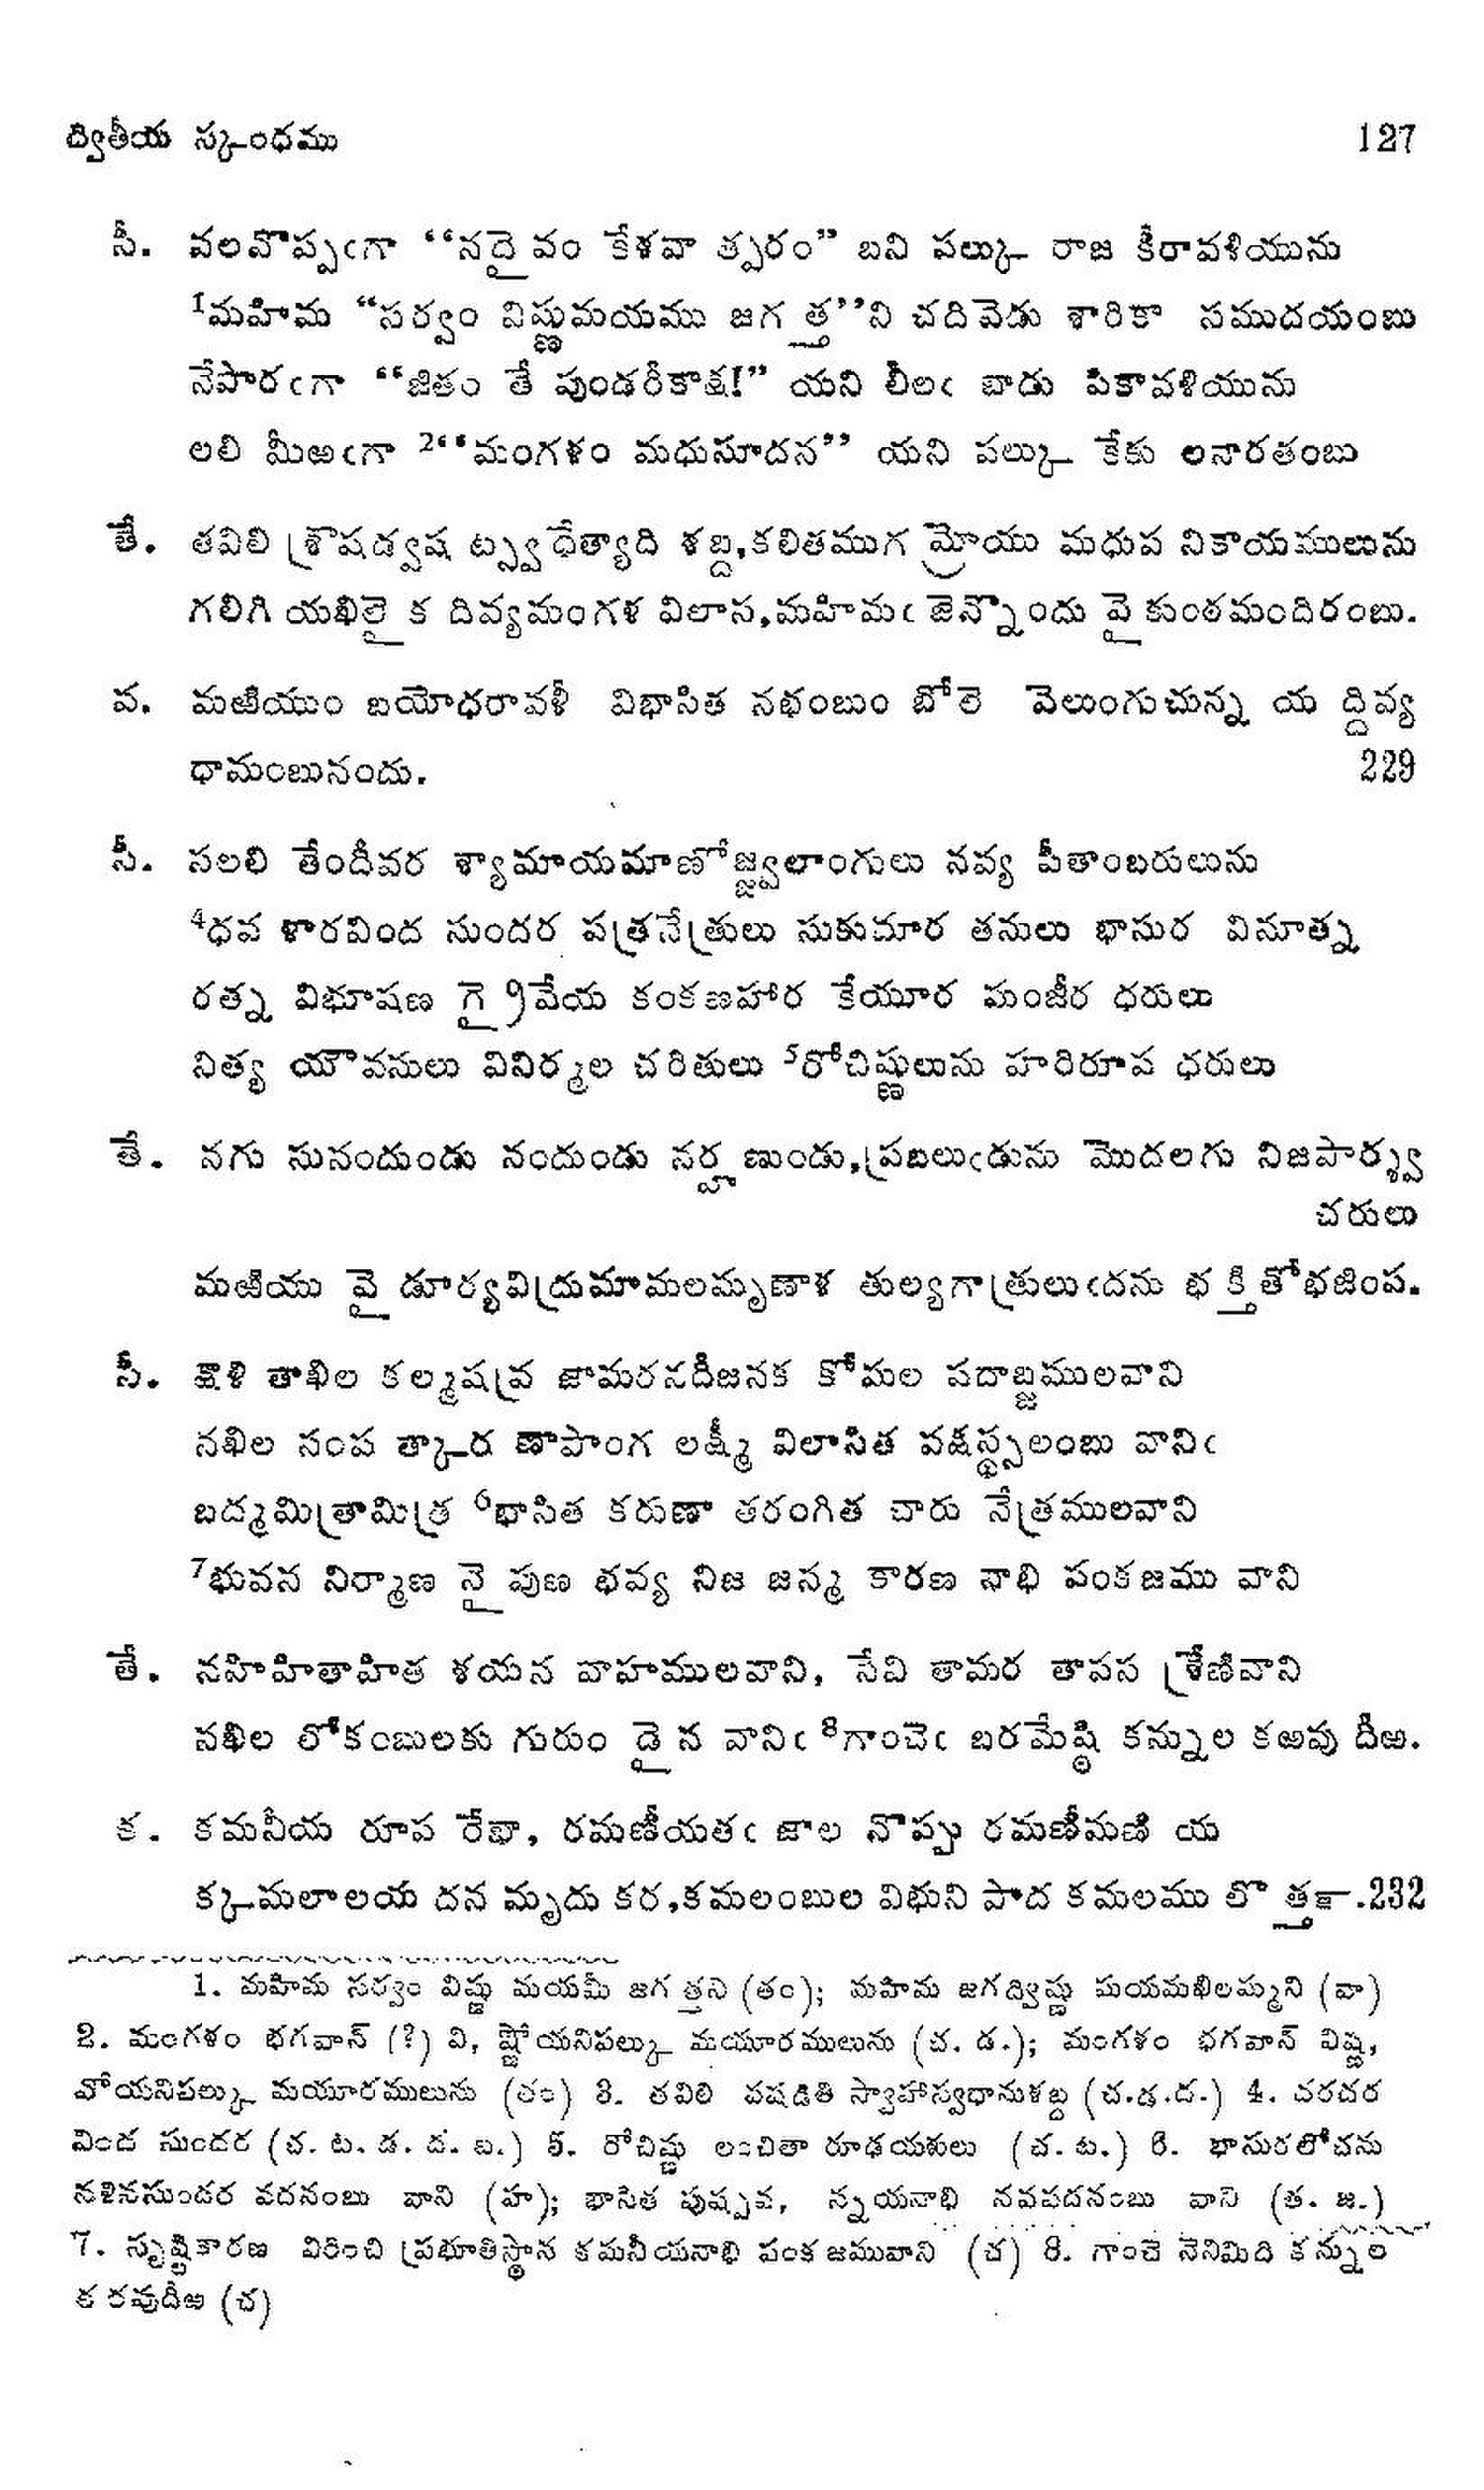127

సీ. వలనొప్పఁగా "నదైవం కేశవా త్పరం" బని పల్కు రాజ కీరావళియును

మహిమ "సర్వం విష్ణుమయము జగత్త"ని చదివెడు శారికా సముదయంబు

నేపారఁగా "జితం తే పుండరీకాక్ష!" యని లీలఁ బాడు పికావళియును

లలి మీఱఁగా "మంగళం మధుసూదన" యని పల్కు కేకు లనారతంబు

తే. తవిలి శ్రౌషడ్వష ట్స్వధేత్యాది శబ్ద, కలితముగ మ్రోయు మధుప నికాయములను

గలిగి యఖిలైక దివ్యమంగళ విలాస, మహిమఁ జెన్నొందు వైకుంఠమందిరంబు. (228)

వ. మఱియుం బయోధరావళీ విభాసిత నభంబుం బోలె వెలుంగుచున్న య ద్దివ్య ధామంబునందు. (229)

సీ. సలలి తేందీవర శ్యామాయమాణోజ్జ్వలాంగులు నవ్య పీతాంబరులును

ధవ ళారవింద సుందర పత్రనేత్రులు సుకుమార తనులు భాసుర వినూత్న

రత్న విభూషణ గైవేయ కంకణహార కేయూర మంజీర ధరులు

నిత్య యౌవనులు వినిర్మల చరితులు రోచిష్ణులును హరిరూప ధరులు

తే. నగు సునందుండు నందుండు నర్హణుండు, ప్రబలుఁడును మొదలగు నిజపార్శ్వచరులు

మఱియు వైడూర్యవిద్రుమామలమృణాళ తుల్యగాత్రులుఁదను భక్తితోభజింప. (230)

సీ. క్షాళి తాఖిల కల్మషవ్ర జామరనదీజనక కోమల పదాబ్జములవాని

నఖిల సంప త్కారుణాపాంగ లక్ష్మీ విలాసిత వక్షస్ధ్సలంబు వానిఁ

బద్మమిత్రామిత్ర భాసిత కరుణా తరంగిత చారు నేత్రములవాని

భువన నిర్మాణ నైపుణ భవ్య నిజ జన్మ కారణ నాభి పంకజము వాని

తే. నహిహితాహిత శయన వాహములవాని, సేవి తామర తాపస శ్రేణివాని

నఖిల లోకంబులకు గురుండైన వానిఁ గాంచెఁ బరమేష్ఠి కన్నుల కఱవు దీఱ. (231)

క. కమనీయ రూప రేఖా, రమణీయతఁ జాల నొప్పు రమణీమణి య 
 
క్కమలాలయ దన మృదు కర, కమలంబుల విభుని పాదకమలము లొత్తన్. (232)